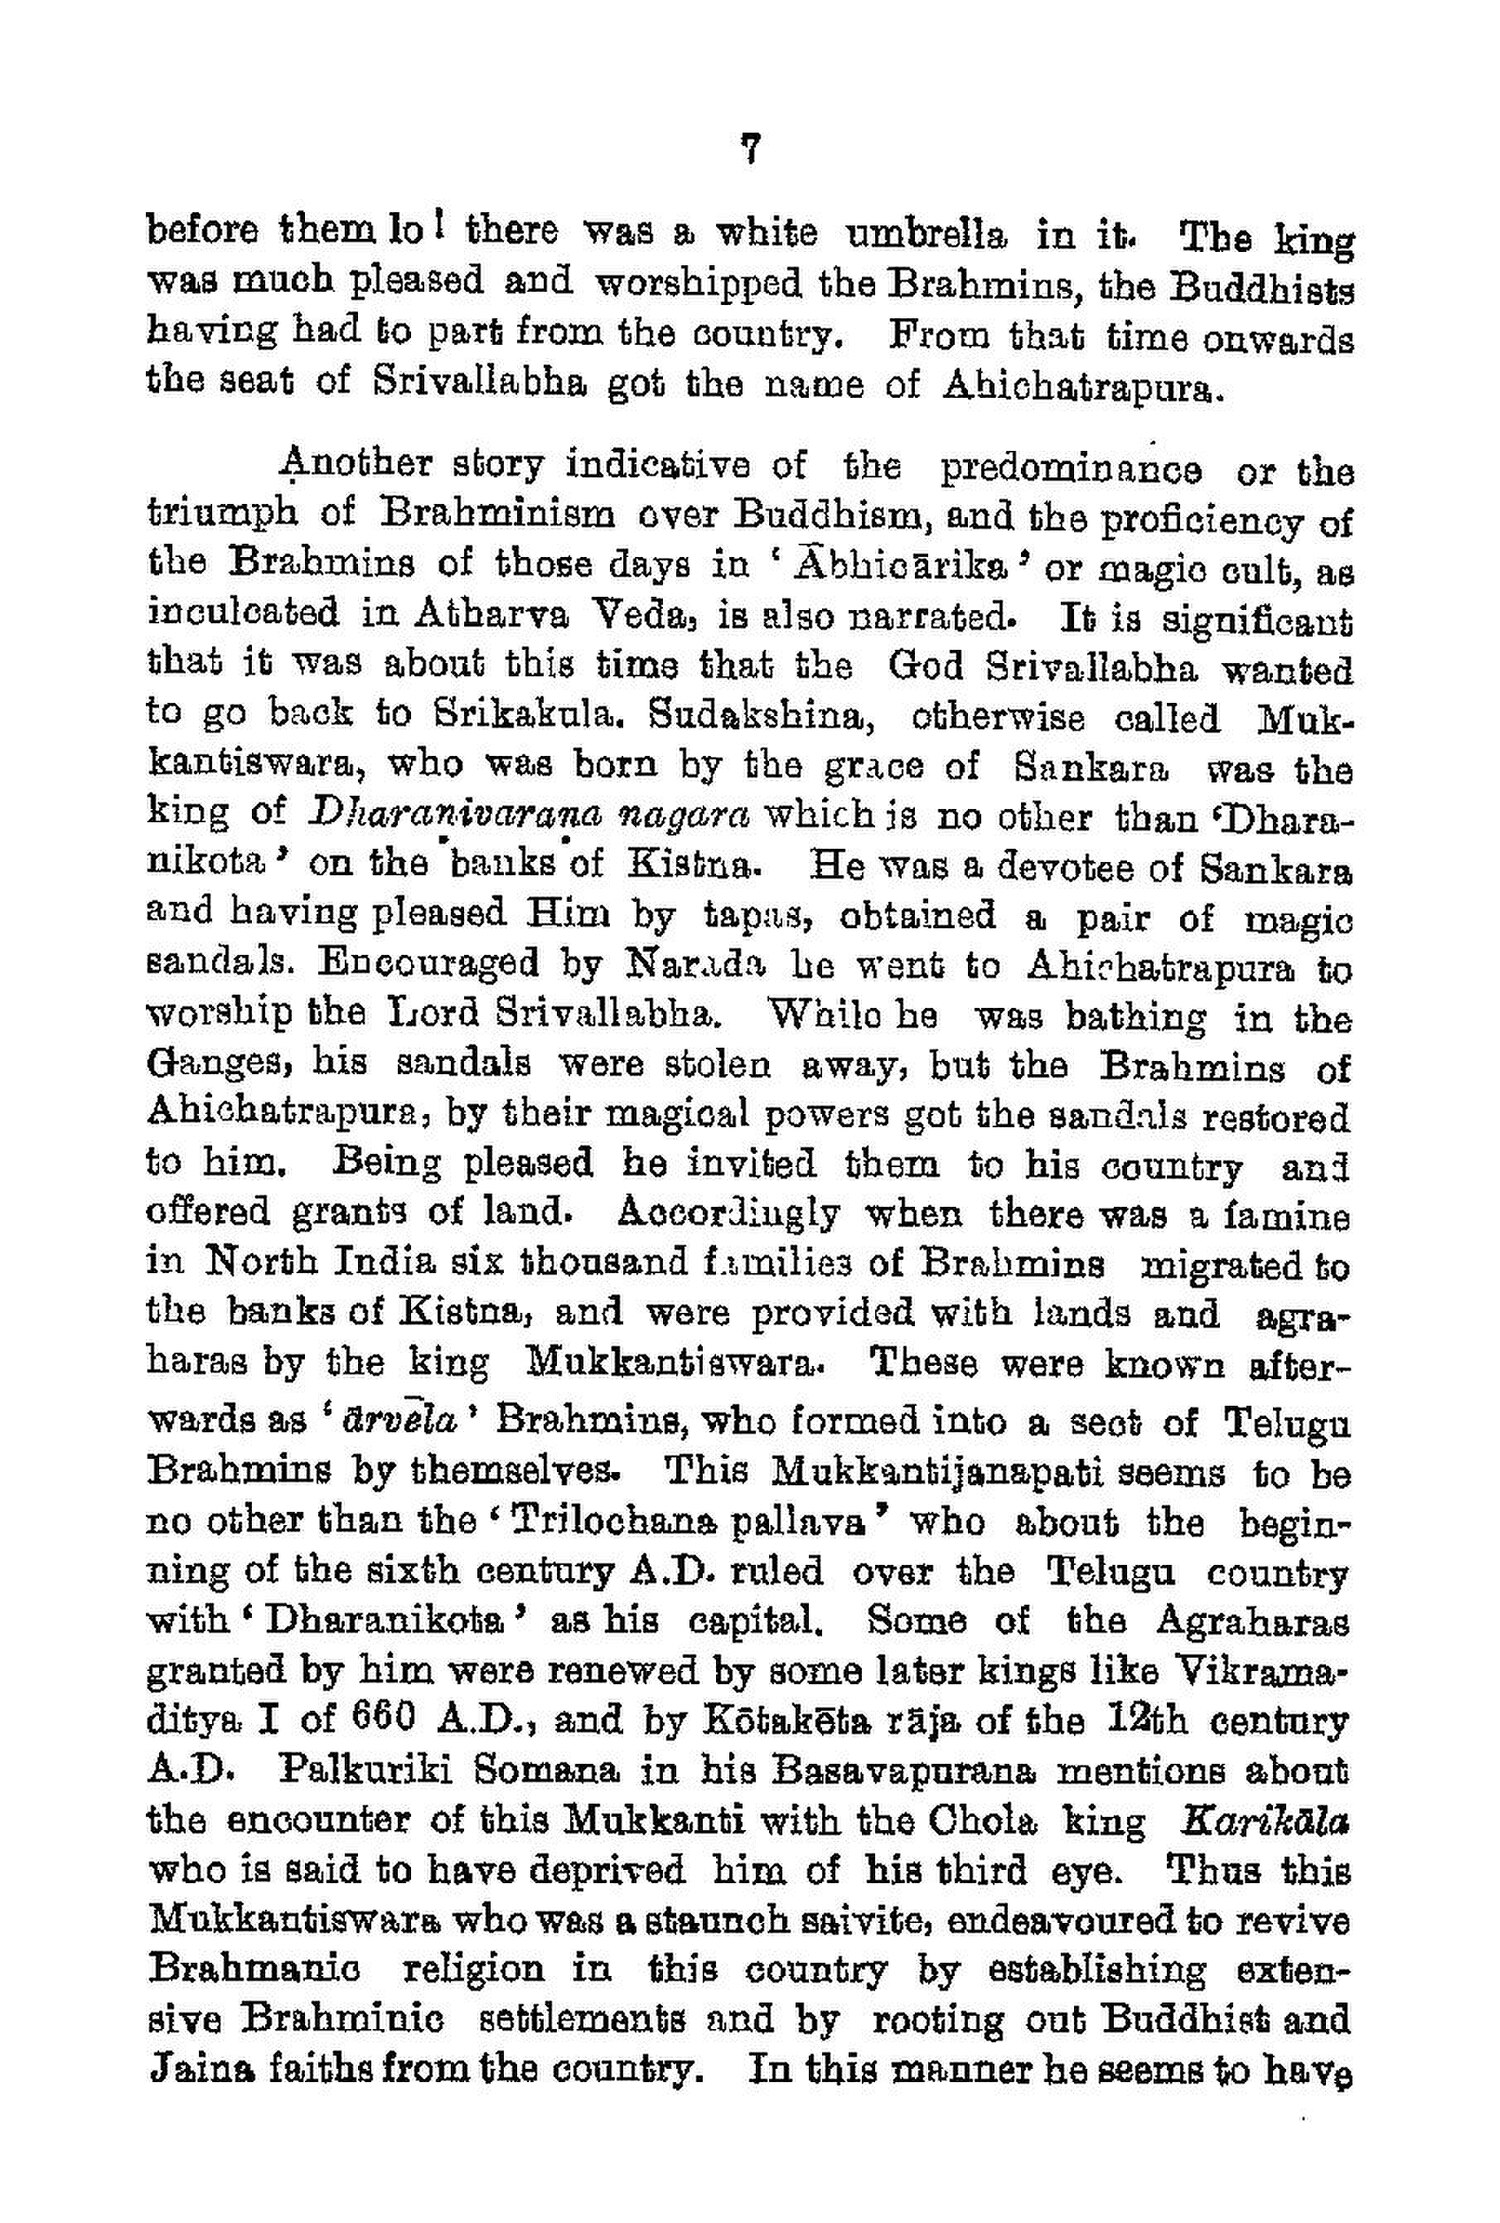before them lol there was a white umbrella in it. The king was much pleased and worshipped the Brahmins, the Buddhists having had to part from the country. From that time onwards the seat of Srivallabha got the name of Ahichatrapura.

Another story indicative of the predominance or the triumph of Brahminism over Buddhism, and the proficiency of the Brahmins of those days in 'Ābhicārika' or magio cult, as inculcated in Atharva Veda, is also narrated. It is significant that it was about this time that the God Srivallabha wanted
to go back to Srikakula. Sudakshina, otherwise called Mukkantiswara, who was born by the grace of Sankara was the king of Dharanivarana nagara which is no other than 'Dharanikota on the banks of Kistna. He was a devotee of Sankara and having pleased Him by tapas, obtained a pair of magic sandals. Encouraged by Narada he went to Ahichatrapura to worship the Lord Srivallabha. Whilo he was bathing in the Ganges, his sandals were stolen away, but the Brahmins of Ahichatrapura, by their magical powers got the sandals restored to him. Being pleased he invited them to his country and offered grants of land. Accordingly when there was a famine in North India six thousand families of Brahmins migrated to
the banks of Kistna, and were provided with lands and agraharas by the king Mukkantiswara. These were known afterwards as 'ārvēla' Brahmins, who formed into a sect of Telugu Brahmins by themselves. This Mukkantijanapati seems to be no other than the Trilochana pallava' who about the beginning of the sixth century A.D. ruled over the Telugu country with Dharanikota' as his capital. Some of the Agraharas granted by him were renewed by some later kings like Vikramaditya I of 660 A.D., and by Kōtakēta räja of the 12th century A.D. Palkuriki Somana in his Basavapurana mentions about the encounter of this Mukkanti with the Chola king Karikāla who is said to have deprived him of his third eye. Thus this Mukkantiswara who was a staunch saivite, endeavoured to revive Brahmanic religion in this country by establishing extensive Brahminic settlements and by rooting out Buddhist and
Jaina faiths from the country. In this manner he seems to have